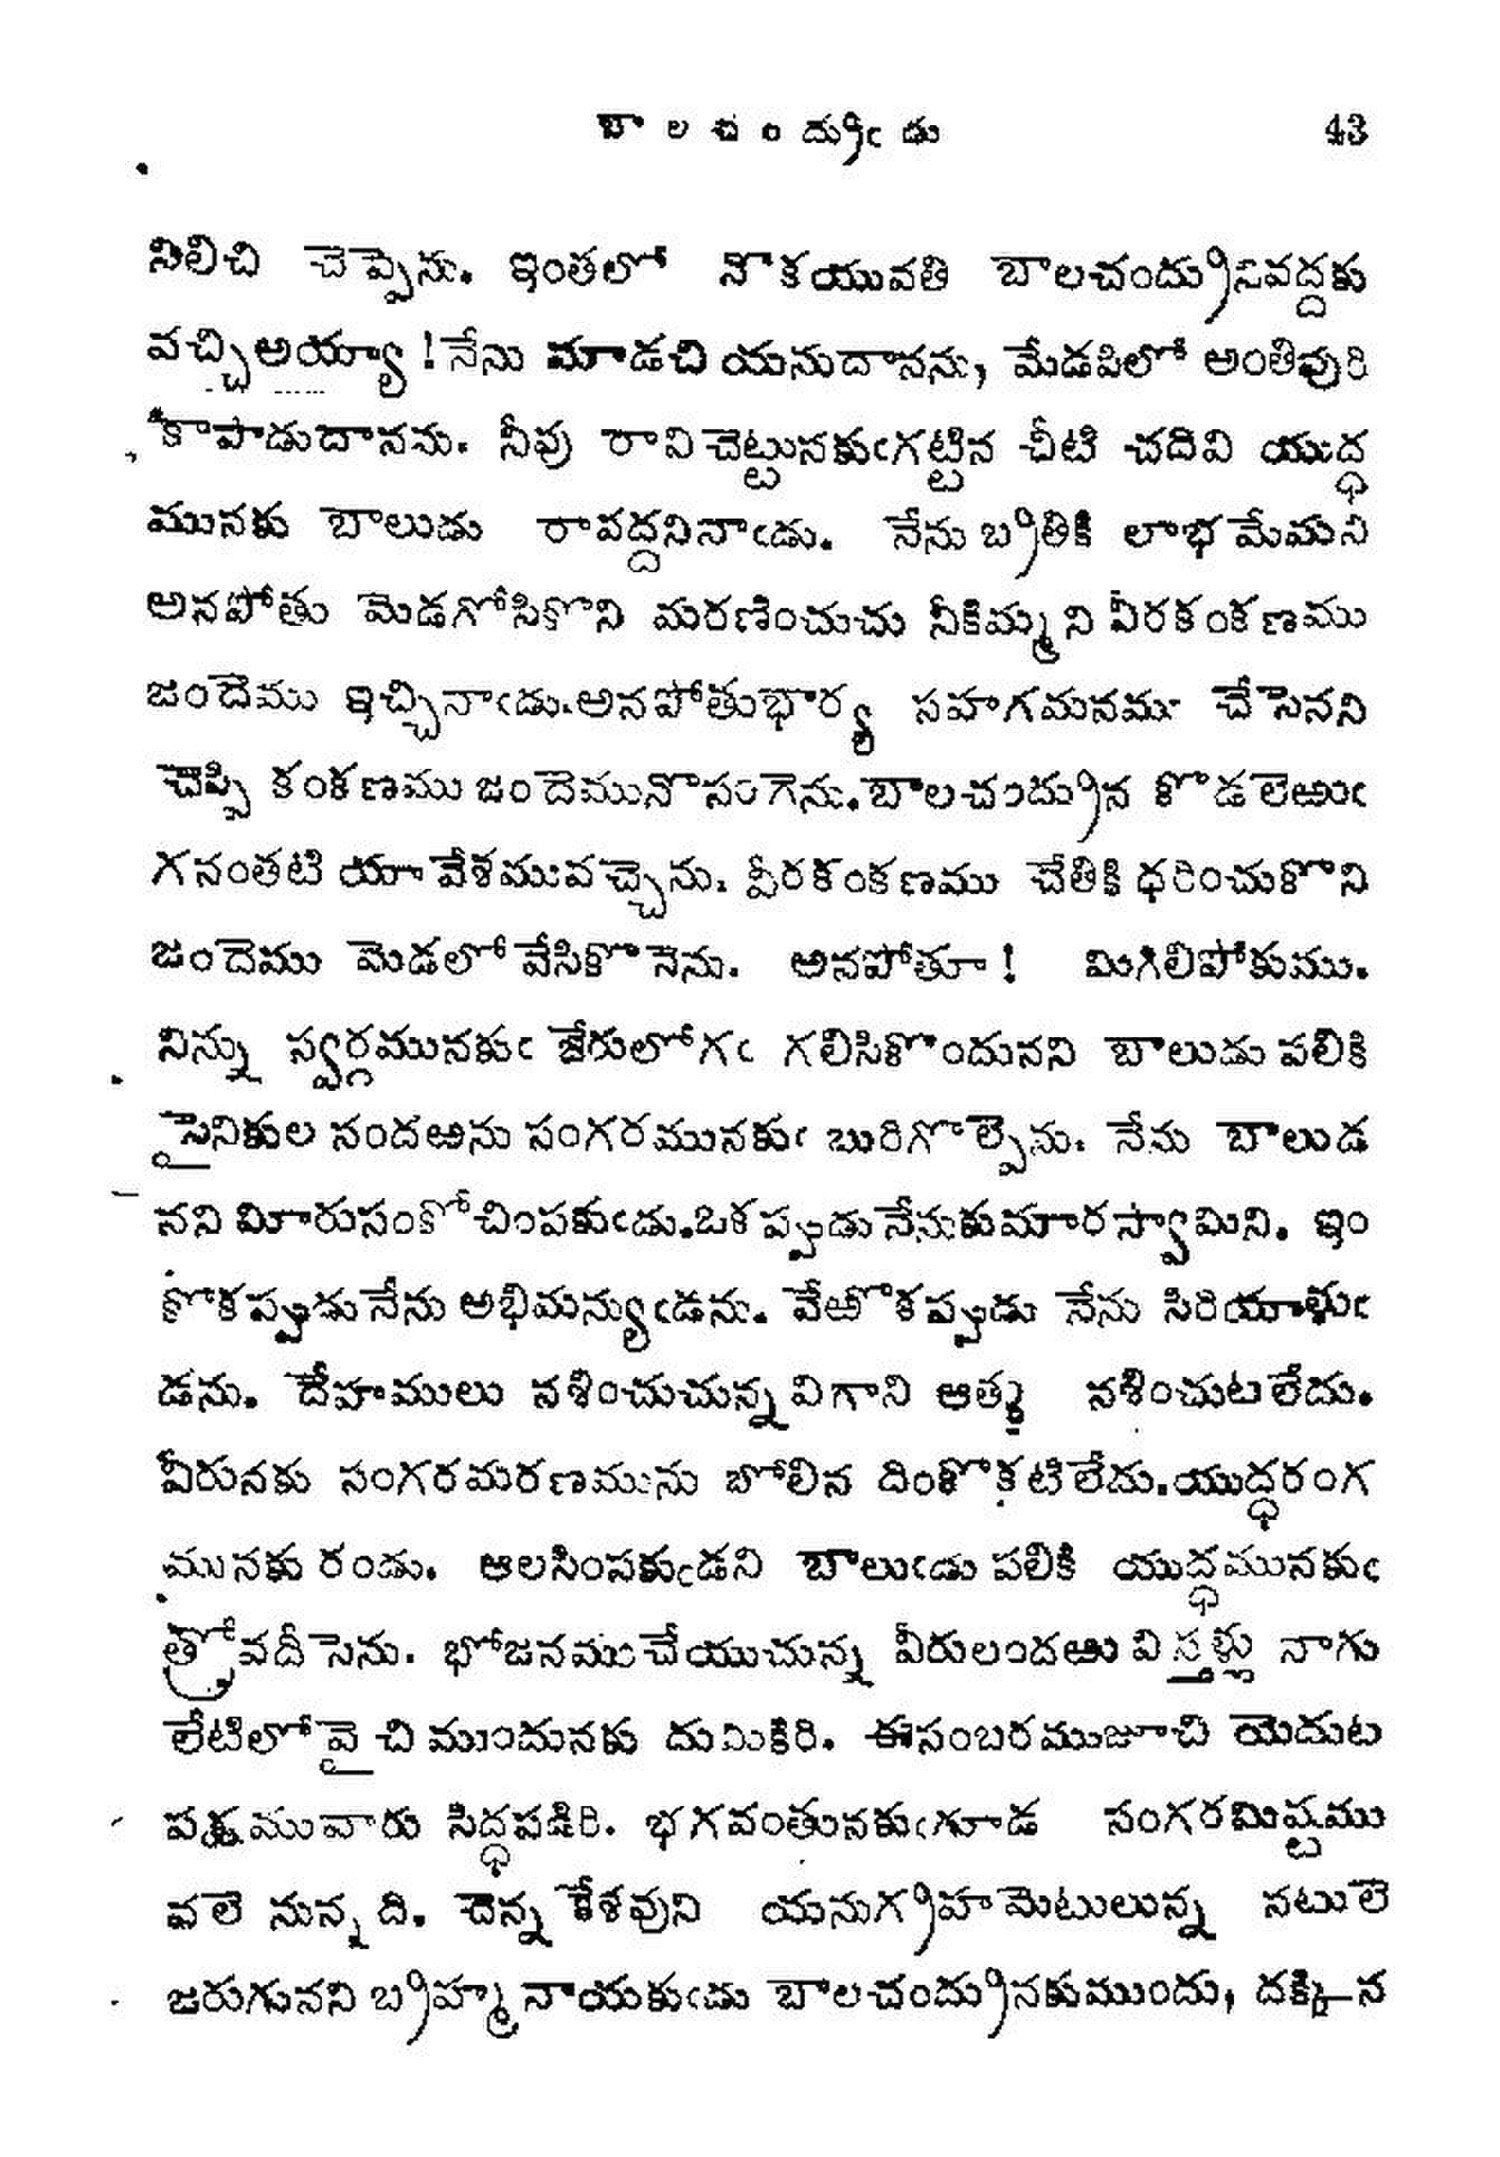నిలిచి చెప్పెను. ఇంతలో నొకయువతి బాలచంద్రునివద్దకు వచ్చి అయ్యా! నేను మాడచి యనుదానను, మేడపిలో అంతిపురి కాపాడుదానను. నీవు రావి చెట్టునకు గట్టిన చీటి చదివి యుద్ధమునకు బాలుడు రావద్దనినాడు. నేను బ్రతికి లాభమేమని అనపోతు మెడగోసికొని మరణించుచు నీకిమ్మని వీరకంకణము జందెము ఇచ్చినాడు. అనపోతుభార్య సహగమనము చేసెనని చెప్పి కంకణము జందెము నొసంగెను. బాలచంద్రున కొడలెఱుగనంతటి యావేశమువచ్చెను. వీరకంకణము చేతికి ధరించుకొని జందెము మెడలోవేసికొనెను. అనపోతూ! మిగిలిపోకుము. నిన్ను స్వర్గమునకు జేరులోగ గలిసికొందునని బాలుడు పలికి సైనికుల నందఱను సంగరమునకు బురిగొల్పెను. నేను బాలుడనని మీరుసంకోచింపకుడు. ఒకప్పుడు నేను కుమారస్వామిని, ఇంకొకప్పుడు నేను అభిమన్యుడను. వేఱొకప్పుడు నేను సిరియాళుడను. దేహములు నశించుచున్నవిగాని ఆత్మ నశించుటలేదు. వీరునకు సంగరమరణమును బోలిన దింకొకటి లేదు. యుద్ధరంగమునకురండు. ఆలసింపకుడని బాలుడు పలికి యుద్ధమునకు త్రోవదీసెను. భోజనము చేయుచున్న వీరులందఱు విస్తళ్లు నాగులేటిలోవైచి ముందునకు దుమికిరి. ఈసంబరముజూచి యెదుట పక్షమువారు సిద్ధపడిరి. భగవంతునకుగూడ సంగరమిష్టము వలె నున్నది. చెన్న కేశవుని యనుగ్రహమెటులున్న నటులె జరుగునని బ్రహ్మనాయకుడు బాలచంద్రునకు ముందు, దక్కిన